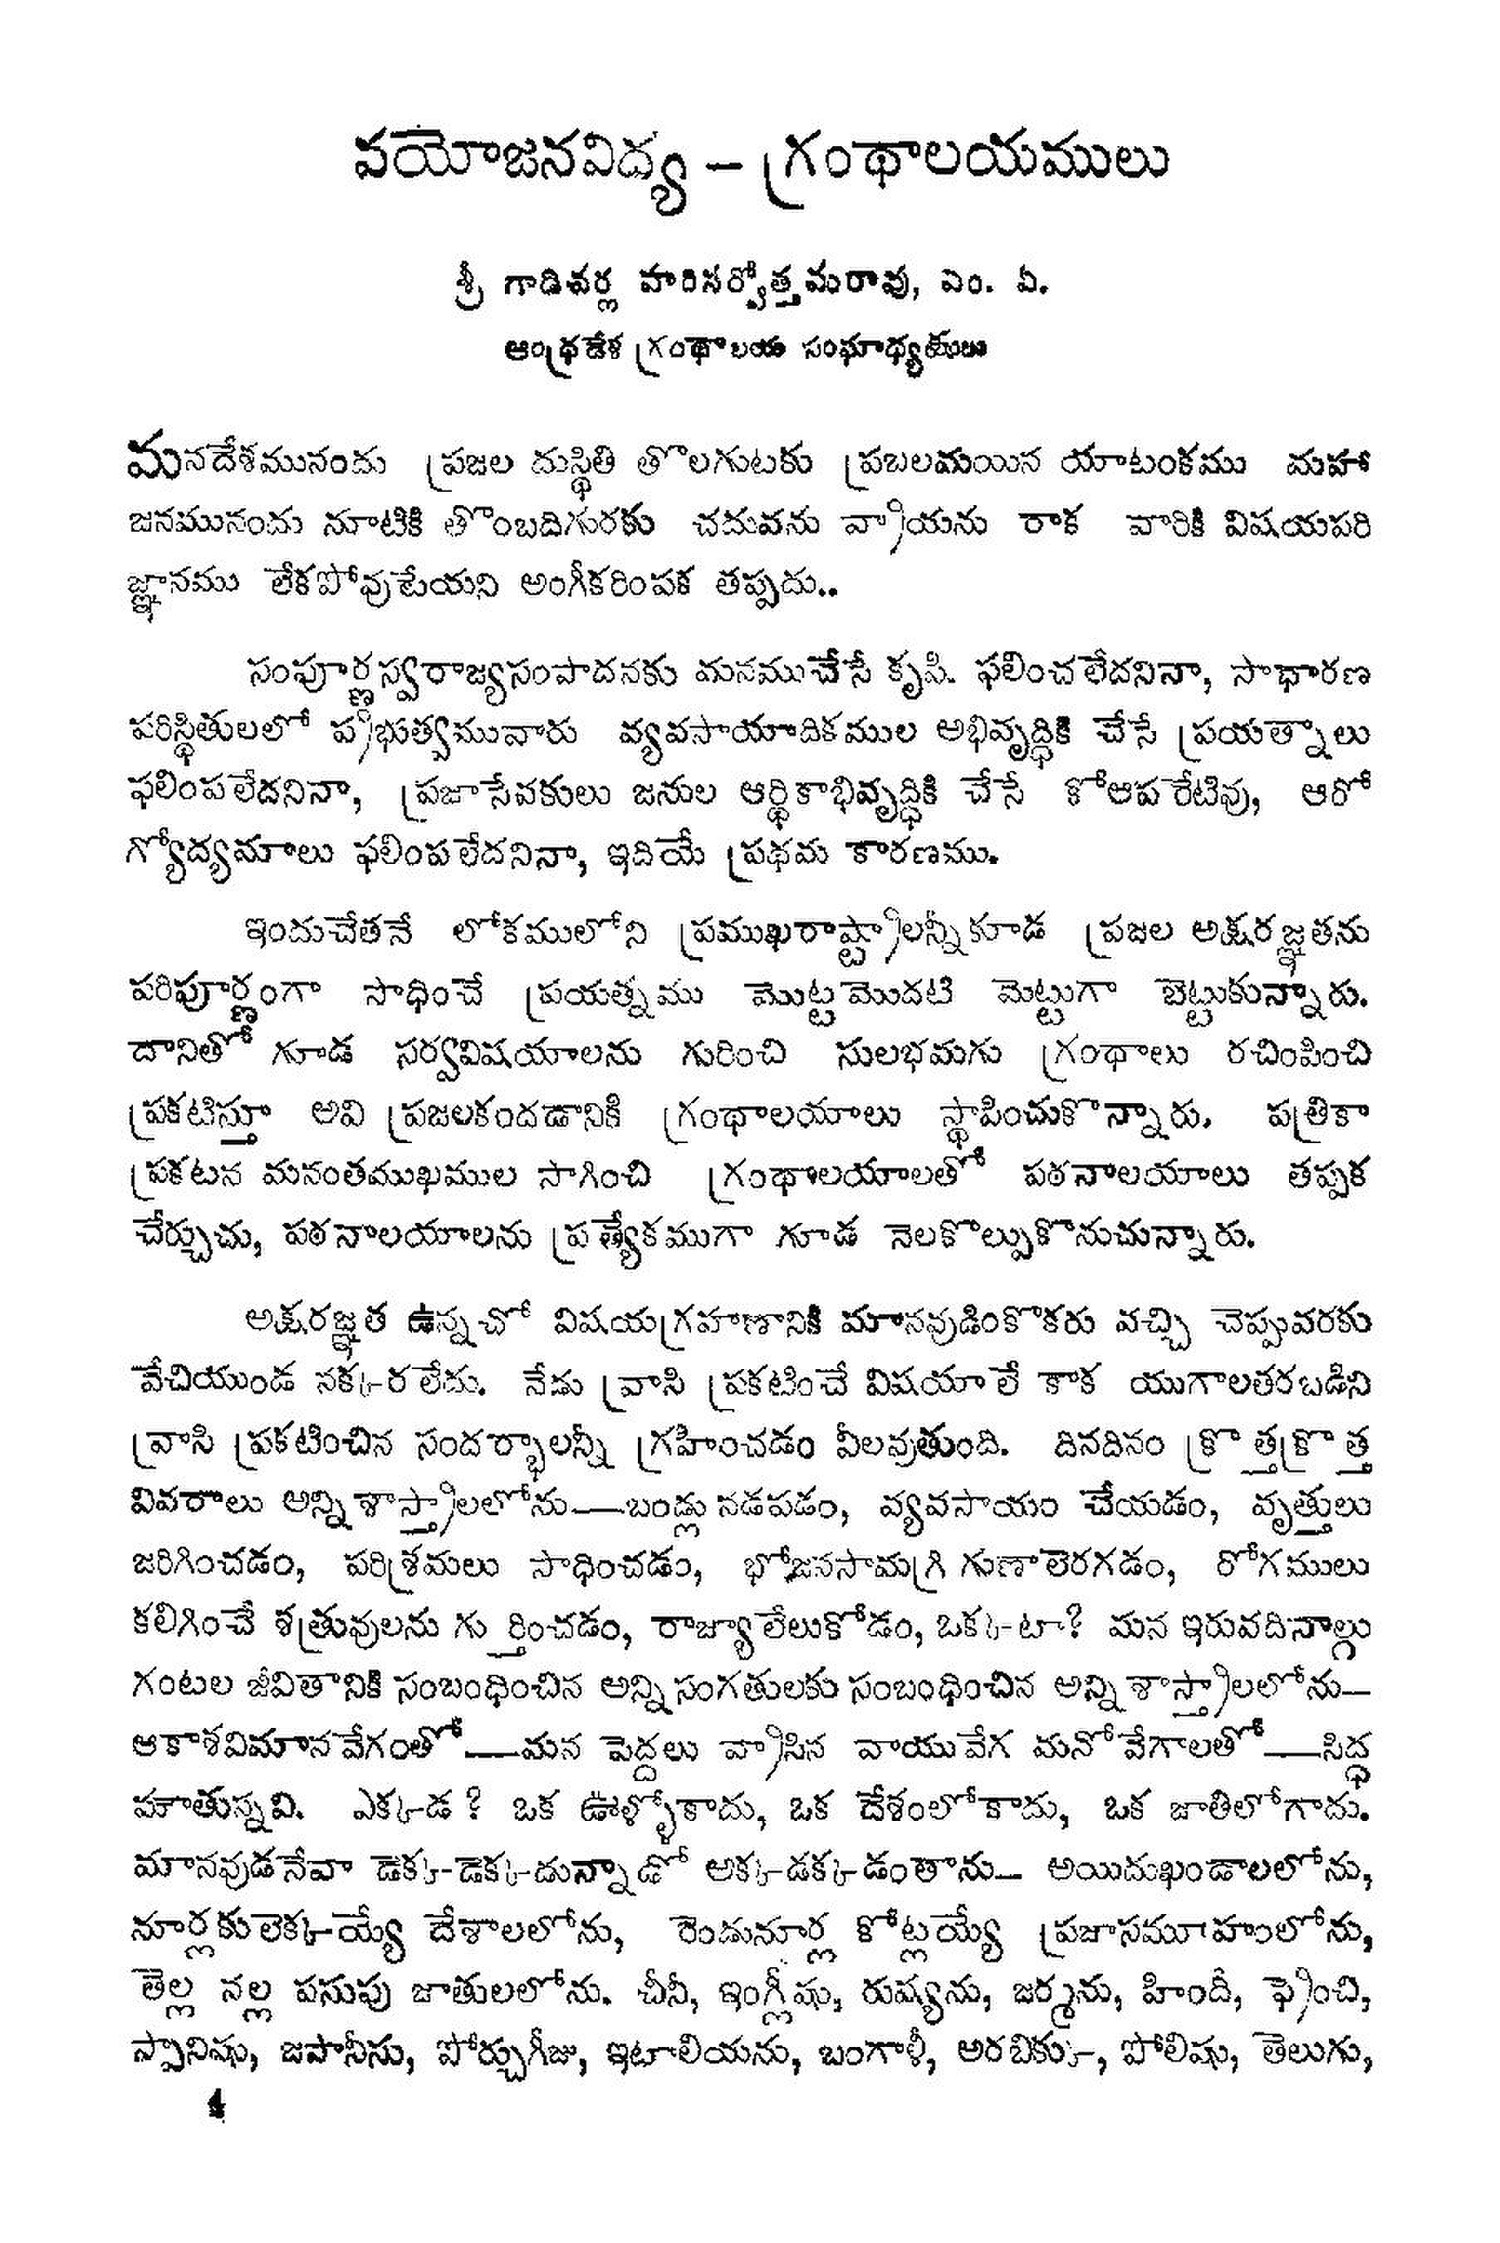మనదేశమునందు ప్రజల దుస్థితి తొలగుటకు ప్రబలమయిన యాటంకము మహాజనమునందు నూటికి తొంబదిగురకు చదువను 
వ్రాయను రాక వారికి విషయపరి జ్ఞానము లేకపోవుటేయని అంగీకరింపక తప్పదు.

సంపూర్ణ స్వరాజ్య సంపాదనకు మనముచేసే కృషి ఫలించలేదనినా, సాధారణ పరిస్థితులలో ప్రభుత్వమువారు వ్యవసాయాదికముల అభివృద్ధికి చేసే ప్రయత్నాలు ఫలింపలేదనినా, ప్రజాసేవకులు జనుల ఆర్థికాభివృద్ధికి చేసే కోఆపరేటివు, ఆరోగ్యోద్యమాలు ఫలింపలేదనినా, ఇదియే ప్రథమ కారణము.

ఇందుచేతనే లోకములోని ప్రముఖ రాష్ట్రాలన్నీ కూడ ప్రజల అక్షరజ్ఞతను పరిపూర్ణంగా సాధించే ప్రయత్నము మొట్టమొదటి 
మెట్టుగా బెట్టుకున్నారు. దానితో గూడ సర్వవిషయాలను గురించి సులభమగు గ్రంథాలు రచింపించి ప్రకటిస్తూ అవి 
ప్రజలకందడానికి గ్రంథాలయాలు స్థాపించుకొన్నారు. పత్రికా ప్రకటన మనంతముఖములు సాగించి గ్రంథాలయాలతో 
పఠనాలయాలు తప్పక చేర్చుచు, పఠనాలయాలను ప్రత్యేకముగా గూడ నెలకొల్పుకొనుచున్నారు.

అక్షరజ్ఞత ఉన్నచో విషయగ్రహణానికి మానవుడింకొకరు వచ్చి చెప్పువరకు వేచియుండ నక్కరలేదు. నేడు వ్రాసి ప్రకటించే 
విషయాలే కాక యుగాలతరబడిని వ్రాసి ప్రకటించిన సందర్భాలన్నీ గ్రహించడం వీలవుతుంది. దినదినం క్రొత్తక్రొత్త
వివరాలు అన్ని శాస్త్రాలలోను - బండ్లు నడపడం, వ్యవసాయం చేయడం, వృత్తులు జరిగించడం, పరిశ్రమలు సాధించడం, 
భోజనసామగ్రి గుణాలెరగడం, రోగములు కలిగించే శత్రువులను గుర్తించడం, రాజ్యాలేలుకోడం, ఒక్కటా? మన ఇరువదినాల్గు
గంటల జీవితానికి సంబంధించిన అన్ని సంగతులకు సంబంధించిన అన్ని శాస్త్రాలలోను - ఆకాశవిమానవేగంతో - మన 
పెద్దలు వ్రాసిన వాయువేగ మనోవేగాలతో - సిద్దమౌతున్నవి. ఎక్కడ? ఒక ఊళ్ళోకాదు, ఒక దేశంలో కాదు, ఒక జాతిలో గాదు.
మానవుడనేవా డెక్కడెక్కడున్నాడో అక్కడక్కడంతాను - అయిదు ఖండాలలోను, నూర్లకు లెక్క-య్యే దేశాలలోను, 
రెండునూర్ల కోట్లయ్యే ప్రజాసమూహంలోను, తెల్ల నల్ల పసుపు జాతులలోను, చీనీ, ఇంగ్లీషు, రుష్యను, జర్మను, హిందీ, 
ఫ్రెంచి, స్పానిషు, జపానీసు, పోర్చుగీజు, ఇటాలియను, బంగాళీ, అరబిక్కు, పోలిషు, తెలుగు,